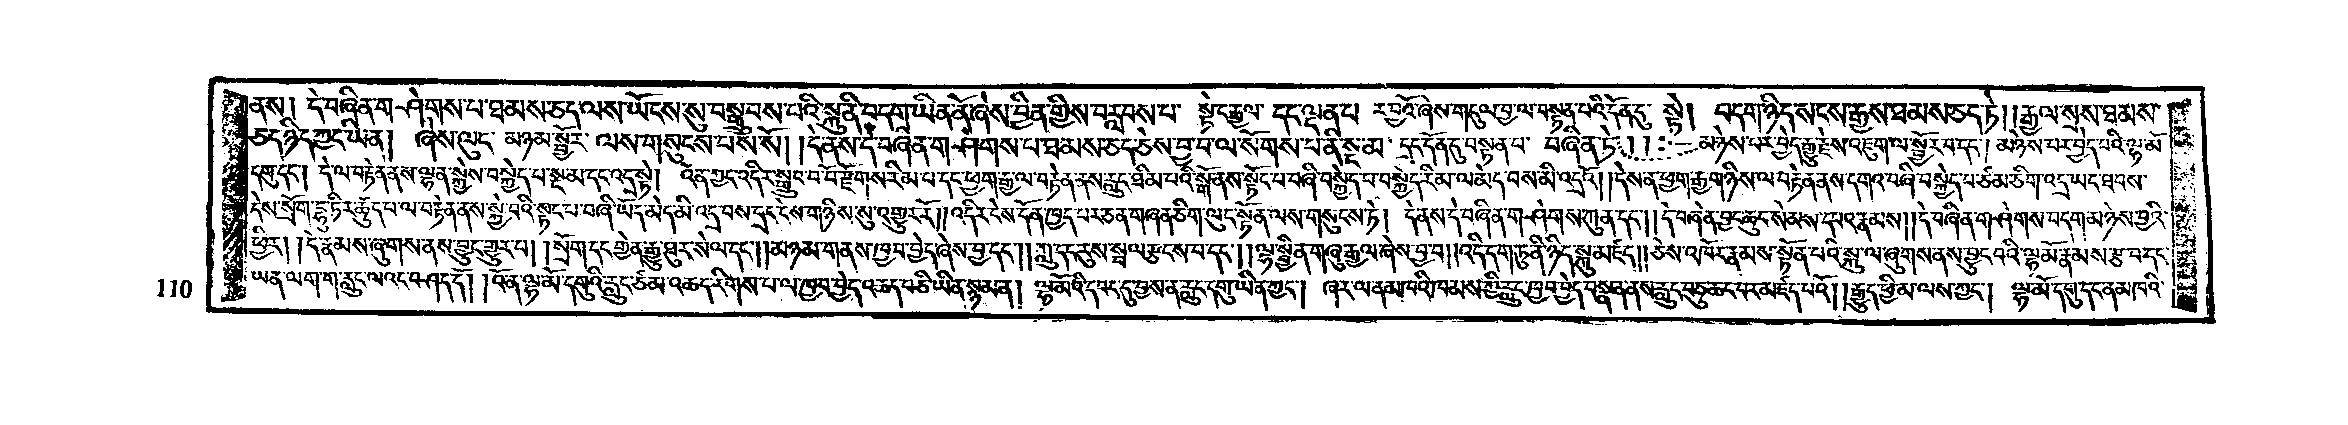ནས་དེ་བཞིན་གཤེགས་པ་ཐམས་ཅད་ལས་ཡོངས་སུ་བསྐྲུབས་པའི་སྐུ་ནི་བདག་ཡིན་ནེ་ཞེས་བྱིན་གྱིས་བརླབས་པ་སྟེ་ང་རྒྱལ་དང་ལྡན་པར་བྱའོ་ཞེས་གདུལ་བྱ་ལ་བསྟན་པའི་དོན་དུ་སྟེ། བདག་ཉིད་སངས་རྒྱས་ཐམས་ཅད་ཏེ། །རྒྱལ་སྲས་ཐམས་
ཅད་ཉིད་ཀྱང་ཡིན། ཞེས་ལུང་མཉམ་སྦྱོར་ལས་གསུངས་པས་སོ། །དེ་ནས་དེ་བཞིན་གཤེགས་པ་ཐམས་ཅད་ཅེས་བྱ་བ་ལ་སོགས་པ་ནི་སྔ་མ་དྲང་དེན་དུ་བསྟན་པ་བཞིན་ཏེ། །H.མཉེས་པར་བྱེད་རྒྱུ་རྗེས་འཇུག་ལ་སྦྱོར་བ་དང་། མཉེས་པར་བྱེད་པའི་ལྷ་མོ
དགུ་དང་། དེ་ལ་བརྟེན་ནས་ལྷན་སྐྱེས་བསྐྱེད་པ་སྔ་མ་དང་འདྲ་སྟེ། འོན་ཀྱང་འདིར་སྒྲུབ་པ་པོ་རྫོགས་རིམ་པ་དང་ཕྱག་རྒྱ་ལ་བརྟེན་ནས་རླུང་ཐིམ་པའི་སྒོ་ནས་སྟོང་པ་བཞི་བསྐྱེད་པ་བསྐྱེད་རིམ་ལ་མེད་བས་མི་འདྲའོ། །དེས་ན་ཕྱག་རྒྱ་གཉིས་ལ་བརྟེན་ནས་དགའ་བཞི་བསྐྱེད་པ་ཙམ་ཅིག་འདྲ་ཡང་ཐབས་
དེས་སྲོག་དྷུ་ཏིར་ཚུད་པ་ལ་བརྟེན་ནས་སྐྱེ་བའི་སྟོང་པ་བཞི་ཡོད་མེད་མི་འདྲ་བས་དྲང་ངེས་གཉིས་སུ་འགྱུར་རོ། །འདིར་ངེས་དོན་ཁྱད་པར་ཅན་གཞན་ཅིག་ལུང་སྟོན་ལས་གསུངས་ཏེ། དེ་ནས་དེ་བཞིན་གཤེགས་ཀུན་དང་། །དེ་བཞིན་བྱང་ཆུབ་སེམས་དཔའ་རྣམས། །དེ་བཞིན་གཤེགས་བདག་མཉེས་བྱའི
ཕྱིར། །དེ་རྣམས་ཞུགས་ནས་བྱུང་གྱུར་པ། །སྲོག་དང་གྱེན་རྒྱུ་ཐུར་སེལ་དང་། །མཉམ་གནས་ཁྱབ་བྱེད་ཞེས་བྱ་དང་། །ཀླུ་དང་རུས་སྦལ་རྩངས་པ་དང་། །ལྷ་སྦྱིན་གཞུ་རྒྱལ་ཞེས་བྱ་བ། །འདི་དག་ཏུ་ནི་ཉིད་སྐུ་མཛད། །ཅེས་འཁོར་རྣམས་སྟོན་པའི་སྐུ་ལ་ཞུགས་ནས་བྱུང་བའི་ལྷ་མེ་རྣམས་རྩ་བ་དང་
ཡན་ལག་ག་རླུང་ལའང་བཤད་དོ། །འོ་ན་ལྷ་མོ་དགུའི་རླུང་ཙམ་འཆད་རིགས་པ་ལ་ཁྱབ་བྱེད་འཆད་པ་ཅི་ཡིན་སྙམ་ན། ལྷ་མོའི་དབང་དུ་བྱས་ན་རླུང་དགུ་ཡིན་ཀྱང་། ཞར་ལ་ནམ་ཁའི་ཁམས་ཀྱི་རླུང་ཁྱབ་བྱེད་བསྣན་ནས་རླུང་བཅུ་ཆང་བར་མཛད་པའོ། །རྒྱུད་ཕྱི་མ་ལས་ཀྱང་། ལྷ་མོ་དགུ་དང་ནམ་ཁའི